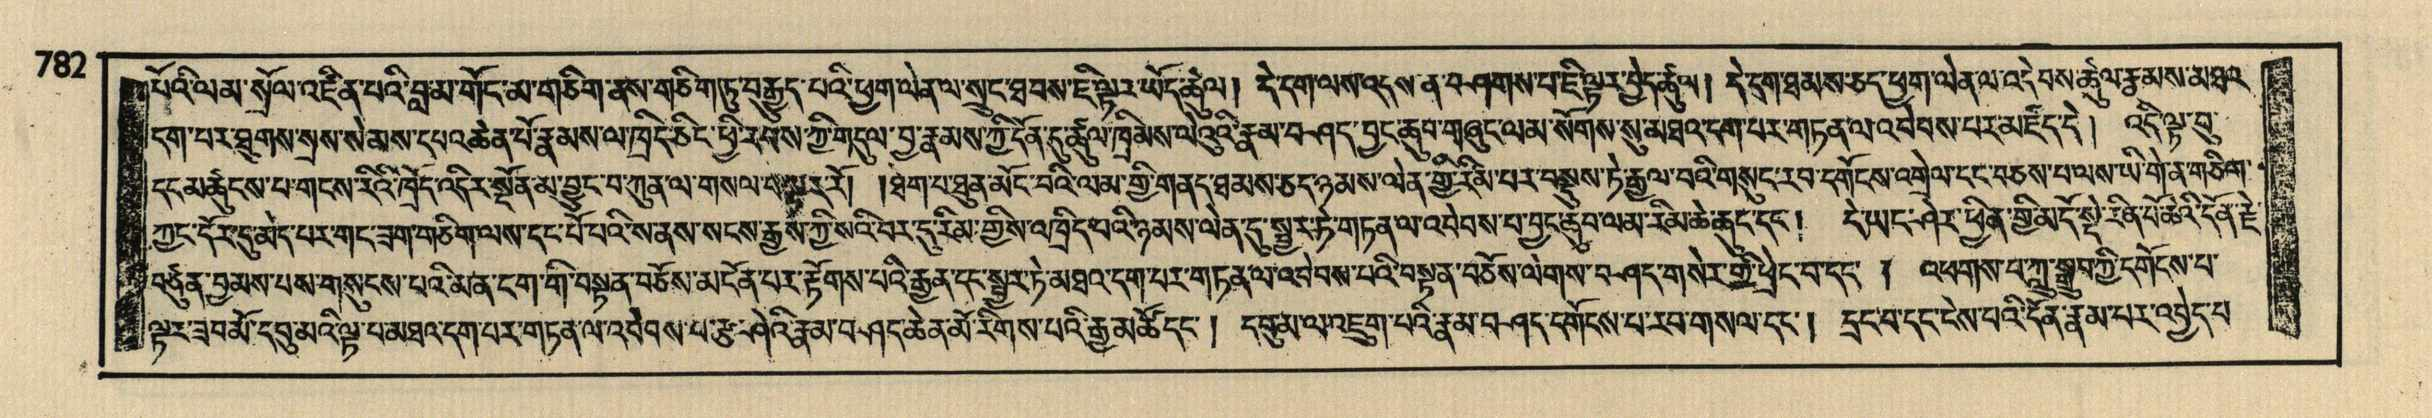པོའི་ལམ་སྲོལ་འཛིན་པའི་བླ་མ་གོང་མ་གཅིག་ནས་གཅིག་ཏུ་བརྒྱུད་པའི་ཕྱག་ལེན་ལ་སྲུང་ཐབས་ཇི་ལྟར་ཡོད་ཚུལ། དེ་དག་ལས་འདས་ན་བཤགས་པ་ཇི་ལྟར་བྱེད་ཚུལ། །དེ་དག་ཐམས་ཅད་ཕྱག་ལེན་ལ་འདེབས་ཚུལ་རྣམས་མཐའ་
དག་པར་ཐུགས་སྲས་སེམས་དཔའ་ཆེན་པོ་རྣམས་ལ་ཁྲིད་ཅིང་ཕྱི་རབས་ཀྱི་གདུལ་བྱ་རྣམས་ཀྱི་དོན་དུ་ཚུལ་ཁྲིམས་ལེའུའི་རྣམ་བཤད་བྱང་ཆུབ་གཞུང་ལམ་སོགས་སུ་མཐའ་དག་པར་གཏན་ལ་འབེབས་པར་མཛད་དེ། འདི་ལྟ་བུ་
དང་མཚུངས་པ་གང་རིའི་ཁྲོད་འདིར་སྔོན་མ་བྱུང་བ་ཀུན་ལ་གསལ་བསྟར་རོ། །ཐེག་པ་ཐུན་མོང་བའི་ལམ་གྱི་གནད་ཐམས་ཅད་ཉམས་ལེན་གྱི་རིམ་པར་བསྡུས་ཏེ་རྒྱལ་བའི་གསུང་རབ་དགོངས་འགྲེལ་དང་བཅས་པ་ལས་ཡི་གེ་ན་གཅིག་
ཀྱང་དོར་དུ་མེད་པར་གང་ཟག་གཅིག་ལས་དང་པོ་པའི་ས་ནས་སངས་རྒྱས་ཀྱི་སའི་བར་དུ་རིམ་གྱིས་འཁྲིད་པའི་ཉམས་ལེན་དུ་སྦྱར་ཏེ་གཏན་ལ་འབེབས་པ་བྱང་ཆུབ་ལམ་རིམ་ཆེ་ཆུང་དང་། དེ་ཡང་ཤེར་ཕྱིན་གྱི་མདོ་སྡེ་རིན་པོ་ཆེའི་དོན་རྗེ་
བཙུན་བྱམས་པས་གསུངས་པའི་མན་ངག་གི་བསྟན་བཅོས་མངོན་པར་རྟོགས་པའི་རྒྱན་དང་སྦྱར་ཏེ་མཐའ་དག་པར་གཏན་ལ་འབེབས་པའི་བསྟན་བཅོས་ལེགས་བཤད་གསེར་གྱི་ཕྲེང་བ་དང་། འཕགས་པ་ཀླུ་སྒྲུབ་ཀྱི་དགོངས་པ་
ལྟར་ཟབ་མོ་དབུ་མའི་ལྟ་པ་མཐའ་དག་པར་གཏན་ལ་འབེབས་པ་རྩ་ཤེའི་རྣམ་བཤད་ཆེན་མོ་རིགས་པའི་རྒྱ་མཚོ་དང་། དབུ་མ་ལ་འཇུག་པའི་རྣམ་བཤད་དགོངས་པ་རབ་གསལ་དང་། དྲང་བ་དང་ངེས་པའི་དོན་རྣམ་པར་འབྱེད་པ་